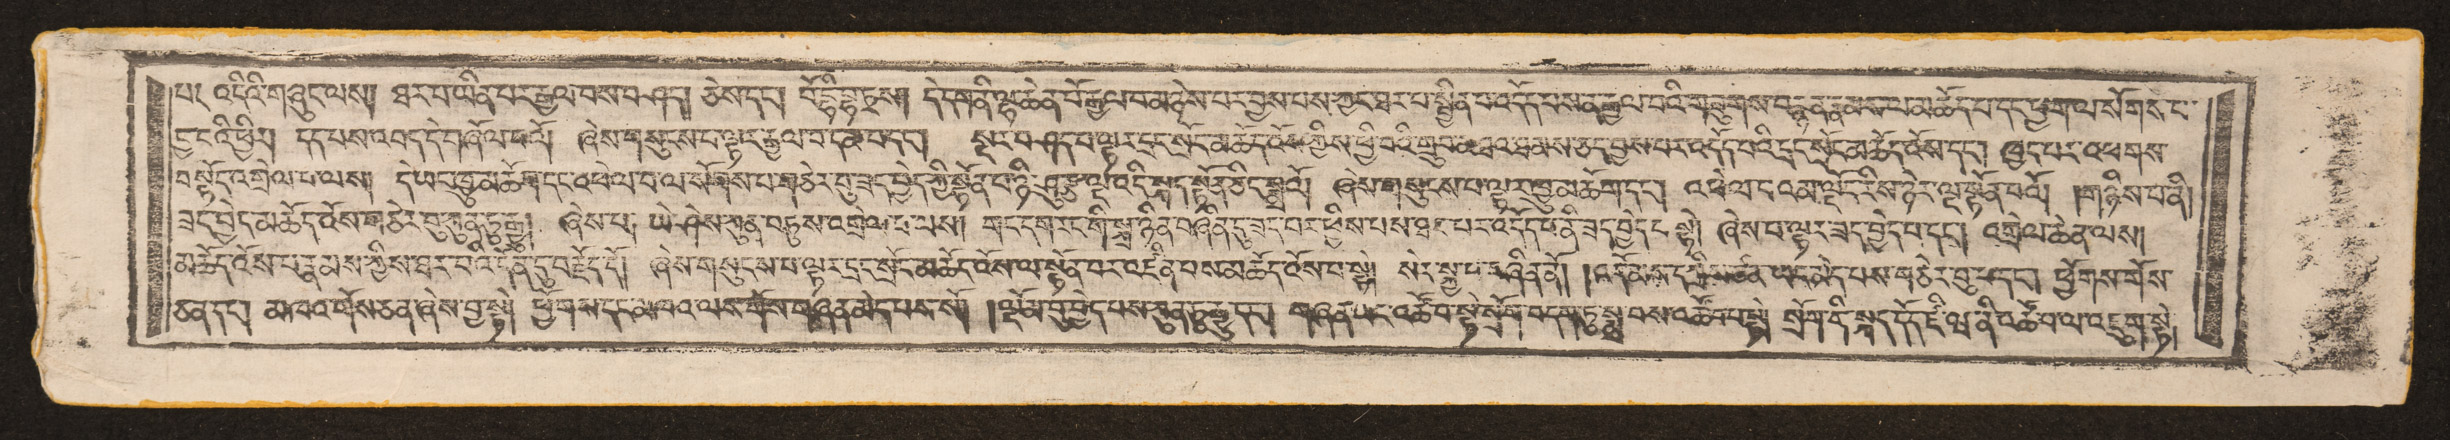པ༑ འདིའི་གཞུང་ལས། ཐར་པ་ཡིན་པར་རྒྱལ་བས་བཤད། ཅེས་དང་། བོདྷི་བྷ་ཏྲས། དེ་དག་ནི་ལྷ་ཆེན་པོ་རྒྱལ་བ་མཉེས་པར་བྱས་པས་ཀྱང་ཐར་པ་སྦྱིན་པ་འདོད་པས་ན་རྒྱལ་བའི་གཟུགས་བརྙན་རྣམས་ལ་མཆོད་པ་དང་ཕྱག་ལ་སོགས་པ་
བྱ་ངའི་ཕྱིར། དད་པས་འབད་དེ་གཞོལ་བའོ། ཞེས་གསུངས་པ་ལྟར་རྒྱལ་བ་དམ་པ་དང་། སྔར་བཤད་པ་ལྟར་དང་སྲོང་མཆོད་འོས་ཀྱིས་ཕྱི་བའི་གྲུབ་མཐའ་ཐམས་ཅད་བྱས་པར་འདོད་པའི་དང་སྲོང་མཆོད་འོས་དང་། ཁྱད་པར་འཕགས་
བསྟོད་འགྲེལ་བ་ལས། དེ་ཡང་ཁྱུ་མཆོག་དང་འཕེལ་བ་ལ་སོགས་པ་གཅེར་པུ་ཟད་བྱེད་ཀྱི་སྟོན་པ་ཉི་ཤུ་རྩ་ལྔ་འདི་སྐད་སྟོན་ཅིང་སྨྲའོ། ཞེས་གསུངས་པ་ལྟར་ཁྱུ་མཆོག་དང་། འཕེལ་པའི་མ་ལྡོང་རིས་ཉེར་ལྔ་སྟོན་པའོ། །གཉིས་པ་ནི།
ཟད་བྱེད་མཆོད་འོས་གཅེར་བུ་ཀུན་ཏུ་རྒྱུ། ཞེས་པ། ཡེ་ཤེས་ཀུན་བཏུས་འགྲེལ་པ་ལས། གང་དག་རང་གི་སྐྲ་ཉིན་བཞིན་དུ་ཟད་པར་ཕྱིས་པས་ཐར་པར་འདོད་པ་ནི་ཟད་བྱེད་པ་སྟེ། ཞེས་པ་ལྟར་ཟད་བྱེད་པ་དང་། འགྲེལ་ཆེན་ལས།
མཆོད་འོས་པ་རྣམས་ཀྱིས་ཐར་པའི་དོན་དུ་བརྗོད་དོ། ཞེས་གསུངས་པ་ལྟར་དྲང་སྲོང་མཆོད་འོས་ལ་སྟོན་པར་འཛིན་པས་མཆོད་འོས་པ་སྟེ། སེར་སྐྱ་བ་བཞིན་ནོ། །འདོམས་དཀྲིས་ཙམ་ཡང་མེད་པས་གཅེར་བུ་པ་དང་། ཕྱོགས་གོས་
ཅན་དང་། མཁའ་གོས་ཅན་ཞེས་བྱ་སྟེ། ཕྱོགས་དང་མཁའ་ལས་གོས་གཞན་མེད་པས་སོ། །ལྡོམ་བུ་བྱེད་པས་ཀུན་ཏུ་རྒྱུ་དང་། གཞན་ཡང་འཚོ་བ་སྟེ་སྲོག་བདག་ཏུ་སྨྲ་བས་འཚོ་བབ་སྟེ། སྲོག་གི་སྐད་དོད་ཛི་ལྭ་ནི་འཚོབ་ལ་འཇུག་སྟེ།